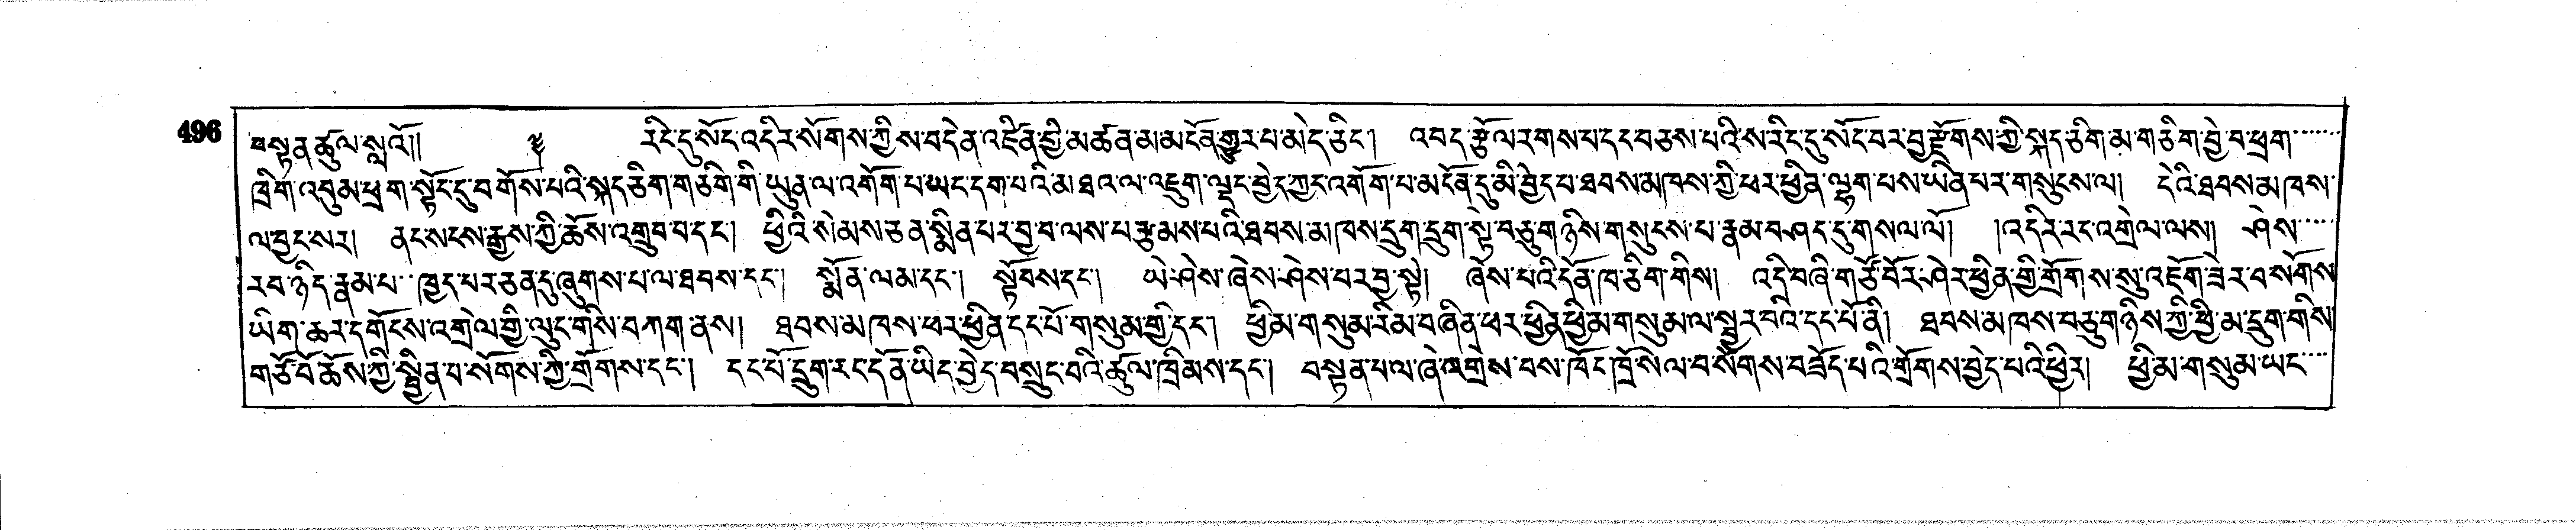བསྟན་ཚུལ་སླའོ།། ༈ རིང་དུ་སོང་འདིར་སོགས་ཀྱིས་བདེན་འཛིན་གྱི་མཚན་མ་མངོན་གྱུར་པ་མེད་ཅིང་། འབད་རྩོལ་རགས་པ་དང་བཅས་པའི་ས་རིང་དུ་སོང་བར་བྱ་རྫོགས་ཀྱི་སྐད་ཅིག་མ་གཅིག་བྱེ་བ་ཕྲག་
ཁྲིག་འབུམ་ཕྲག་སྟོང་དུ་བགོས་པའི་སྐད་ཅིག་གཅིག་གི་ཡུན་ལ་འགོག་པ་ཡང་དག་པའི་མཐའ་ལ་འཇུག་ལྡང་བྱེད་ཀྱང་འགོག་པ་མངོན་དུ་མི་བྱེད་པ་ཐབས་མཁས་ཀྱི་ཕར་ཕྱིན་ལྷག་པས་ཡིན་པར་གསུངས་ལ། དེའི་ཐབས་མཁས་
ལ་བྱང་སར། ནང་སངས་རྒྱས་ཀྱི་ཆོས་འགྲུབ་པ་དང་། ཕྱིའི་སེམས་ཅན་སྨིན་པར་བྱ་བ་ལས་བརྩམས་པའི་ཐབས་མཁས་དྲུག་དྲུག་སྟེ་བཅུ་གཉིས་གསུངས་པ་རྣམ་བཤད་དུ་གསལ་ལོ། །འདིར་རང་འགྲེལ་ལས། ཤེས་
རབ་ཉིད་རྣམ་པ་ཁྱད་པར་ཅན་དུ་ཞུགས་པ་ལ་ཐབས་དང་། སྨོན་ལམ་དང་། སྟོབས་དང་། ཡེ་ཤེས་ཞེས་ཤེས་པར་བྱ་སྟེ། ཞེས་པའི་དོན་ཁ་ཅིག་གིས། འདི་བཞི་གཙོ་བོར་ཤེར་ཕྱིན་གྱི་གྲོགས་སུ་འཇོག་ཟེར་བ་སོགས་
ཡིག་ཆར་དགོངས་འགྲེལ་གྱི་ལུང་གིས་བཀག་ནས། ཐབས་མཁས་ཕར་ཕྱིན་དང་པོ་གསུམ་གྱི་དང་། ཕྱི་མ་གསུམ་རིམ་བཞིན་ཕར་ཕྱིན་ཕྱི་མ་གསུམ་ལ་སྦྱར་བའི་དང་པོ་ནི། ཐབས་མཁས་བཅུ་གཉིས་ཀྱི་ཕྱི་མ་དྲུག་གིས་
གཙོ་བོ་ཆོས་ཀྱི་སྦྱིན་པ་སོགས་ཀྱི་གྲོགས་དང་། དང་པོ་དྲུག་རང་དོན་ཡིད་བྱེད་བསྲུང་བའི་ཚུལ་ཁྲིམས་དང་། བསྟན་པ་ལ་ཞེ་འགྲེས་བས་ཁོང་ཁྲོ་སེལ་བ་སོགས་བཟོད་པའི་གྲོགས་བྱེད་པའི་ཕྱིར། ཕྱི་མ་གསུམ་ཡང་